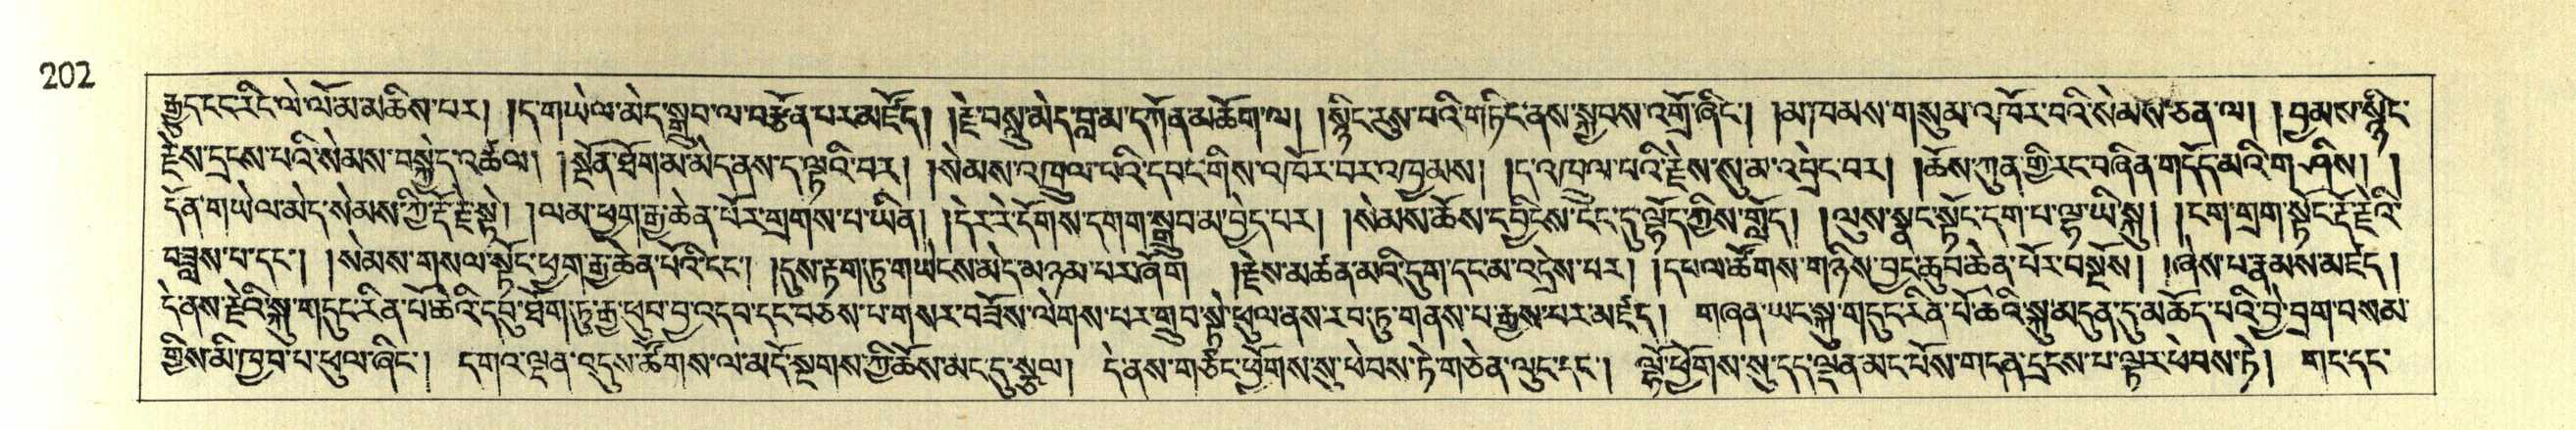རྒྱུད་ངང་རིང་ལེ་ལོ་མ་མཆིས་པར། །ད་གཡེལ་མེད་སྒྲུབ་ལ་བརྩོན་པར་མཛོད། །རྗེ་བསླུ་མེད་བླ་མ་དཀོན་མཆོག་ལ། །སྙིང་རུས་པའི་གཏིང་ནས་སྐྱབས་འགྲོ་ཞིང་། །མ་ཁམས་གསུམ་འཁོར་བའི་སེམས་ཅན་ལ། །བྱམས་སྙིང་
རྗེས་དྲངས་པའི་སེམས་བསྐྱེད་འཚལ། །སྔོན་ཐོག་མ་མེད་ནས་ད་ལྟའི་བར། །སེམས་འཁྲུལ་པའི་དབང་གིས་འཁོར་བར་འཁྱམས། །ད་འཁྲུལ་པའི་རྗེས་སུ་མ་འབྲེང་བར། །ཆོས་ཀུན་གྱི་རང་བཞིན་གདོད་མའི་གཤིས། །
དོན་གཡེལ་མེད་སེམས་ཀྱི་རྡོ་རྗེ་སྟེ། །ལམ་ཕྱག་རྒྱ་ཆེན་པོར་གྲགས་པ་ཡིན། །དེར་རེ་དོགས་དགག་སྒྲུབ་མ་བྱེད་པར། །སེམས་ཆོས་དབྱིངས་ངང་དུ་ལྷོད་ཀྱིས་གློད། །ལུས་སྣང་སྟོང་དག་པ་ལྷ་ཡི་སྐུ། །ངག་གྲག་སྟོང་རྡོ་རྗེའི་
བཟླས་པ་དང་། །སེམས་གསལ་སྟོང་ཕྱག་རྒྱ་ཆེན་པོའི་དང་། །དུས་རྟག་ཏུ་གཡེངས་མེད་མཉམ་པར་ཞོག །རྗེས་མཚན་མའི་དུག་དང་མ་འདྲེས་པར། །དཔལ་ཚོགས་གཉིས་བྱང་ཆུབ་ཆེན་པོར་བསྔོས། །ཞེས་པ་རྣམས་མཛད།
དེ་ནས་རྗེའི་སྐུ་གདུང་རིན་པོ་ཆེའི་དབུ་ཐོག་ཏུ་རྒྱ་ཕུབ་བྱ་འདབ་དང་བཅས་པ་གསར་བཟོས་ལེགས་པར་གྲུབ་སྟེ་ཕུལ་ནས་རབ་ཏུ་གནས་པ་རྒྱས་པར་མཛད། གཞན་ཡང་སྐུ་གདུང་རིན་པོ་ཆེའི་སྐུ་མདུན་དུ་མཆོད་པའི་བྱེ་བྲག་བསམ་
གྱིས་མི་ཁྱབ་པ་ཕུལ་ཞིང་། དགའ་ལྡན་འདུས་ཚོགས་ལ་མདོ་སྔགས་ཀྱི་ཆོས་མང་དུ་སྩལ། དེ་ནས་གཙང་ཕྱོགས་སུ་ཕེབས་ཏེ་གཅེན་ལུང་དང་། ལྷོ་ཕྱོགས་སུ་དད་ལྡན་མང་པོས་གདན་དྲངས་པ་ལྟར་ཕེབས་ཏེ། གང་དང་